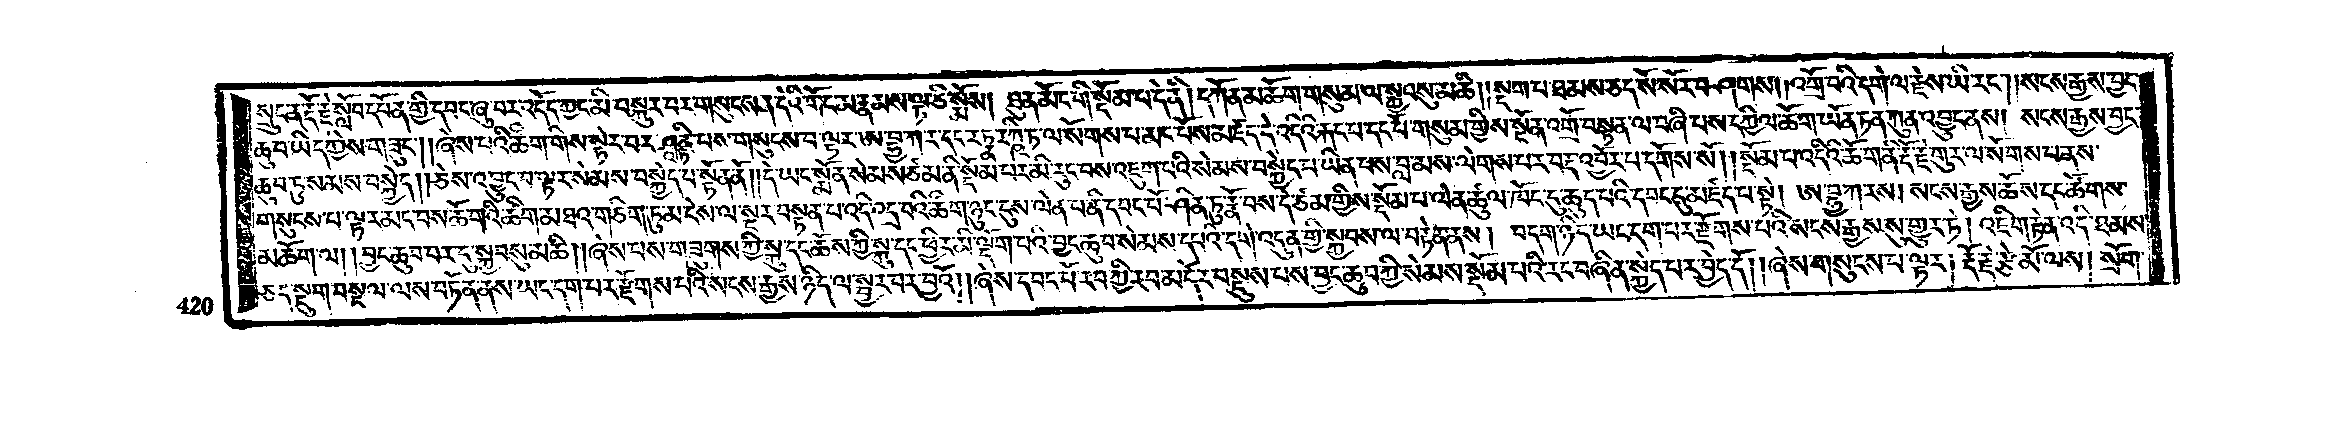སྲུང་ན་རྡོ་རྗེ་སློབ་དཔོན་གྱི་དབང་ཞུ་བར་འདོད་ཀྱང་མི་བསྐུར་བར་གསུངས་ན་དེའི་གོང་མ་རྣམས་ལྟ་ཅི་སྨོས། ཐུན་མོང་གི་སྡོམ་པ་དེ་ནི། དཀོན་མཆོག་གསུམ་ལ་སྐྱབས་སུ་མཆི། །སྡིག་པ་ཐམས་ཅད་སོ་སོར་བཤགས། །འགྲོ་བའི་དགེ་ལ་རྗེས་ཡི་རང་། །སངས་རྒྱས་བྱང་
ཆུབ་ཡིད་ཀྱིས་གཟུང་། །ཞེས་པའི་ཚིག་གིས་སྟེར་བར་ཤཱནྟི་པས་གསུངས་བ་ལྟར་ཨ་བྷྱ་ཀ་ར་དང་རཏྣ་རཀྵི་ཏ་ལ་སོགས་པ་མང་པོས་མཛད་དེ་འདིའི་རྐང་པ་དང་པོ་གསུམ་གྱིས་སྔོན་འགྲོ་བསྟན་ལ་བཞི་པས་དཀྱིལ་ཆོག་ཡོན་ཏན་ཀུན་འབྱུང་ནས། སངས་རྒྱས་བྱང་
ཆུབ་ཏུ་སེམས་བསྐྱེད། །ཅེས་འབྱུང་བ་ལྟར་སེམས་བསྐྱེད་པ་སྟོན་ནོ། །དེ་ཡང་སྨོན་སེམས་ཙམ་ནི་སྡོམ་པར་མི་རུང་བས་འཇུག་པའི་སེམས་བསྐྱེད་པ་ཡིན་པས་བླ་མས་ལེགས་པར་བརྡ་འབྱོར་པ་དགོས་སོ། །སྡོམ་པ་འདིའི་ཆོ་ག་ནི་རྡོ་རྗེ་གུར་ལ་སོགས་པ་ནས་
གསུངས་པ་ལྟར་མང་བས་ཆོ་གའི་ཚིག་མཐའ་གཅིག་ཏུ་མ་ངེས་ལ་སྔར་བསྟན་པ་འདི་འདྲ་བའི་ཚིག་ཉུང་དུས་ལེན་པ་ནི་དབང་པོ་ཤིན་ཏུ་རྣོ་བས་དེ་ཙམ་གྱིས་སྡོམ་པ་ལེན་ཚུལ་ཁོང་དུ་ཆུད་པའི་དབང་དུ་མཛད་པ་སྟེ། ཨ་བྷྱ་ཀ་རས། སངས་རྒྱས་ཆོས་དང་ཚོགས་
མཆོག་ལ། །བྱང་ཆུབ་བར་དུ་སྐྱབས་སུ་མཆི། །ཞེས་པས་གཟུགས་ཀྱི་སྐུ་དང་ཆོས་ཀྱི་སྐུ་དང་ཕྱིར་མི་ལྡོག་པའི་བྱང་ཆུབ་སེམས་དཔའི་དགེ་འདུན་གྱི་སྐྱབས་ལ་བརྟེན་ནས། བདག་ཉིད་ཡང་དག་པར་རྫོགས་པའི་སངས་རྒྱས་སུ་གྱུར་ཏེ། འཇིག་རྟེན་འདི་ཐམས་
ཅད་སྡུག་བསྔལ་ལས་བཏོན་ནས་ཡང་དག་པར་རྫོགས་པའི་སངས་རྒྱས་ཉིད་ལ་སྦྱར་བར་བྱའོ། །ཞེས་དབང་པོ་རབ་ཀྱི་རབ་མདོར་བསྡུས་པས་བྱང་ཆུབ་ཀྱི་སེམས་སྡོམ་པའི་རང་བཞིན་སྐྱེད་པར་བྱེད་དོ། །ཞེས་གསུངས་པ་ལྟར། རྡོ་རྗེ་རྩེ་མོ་ལས། སྲོག་